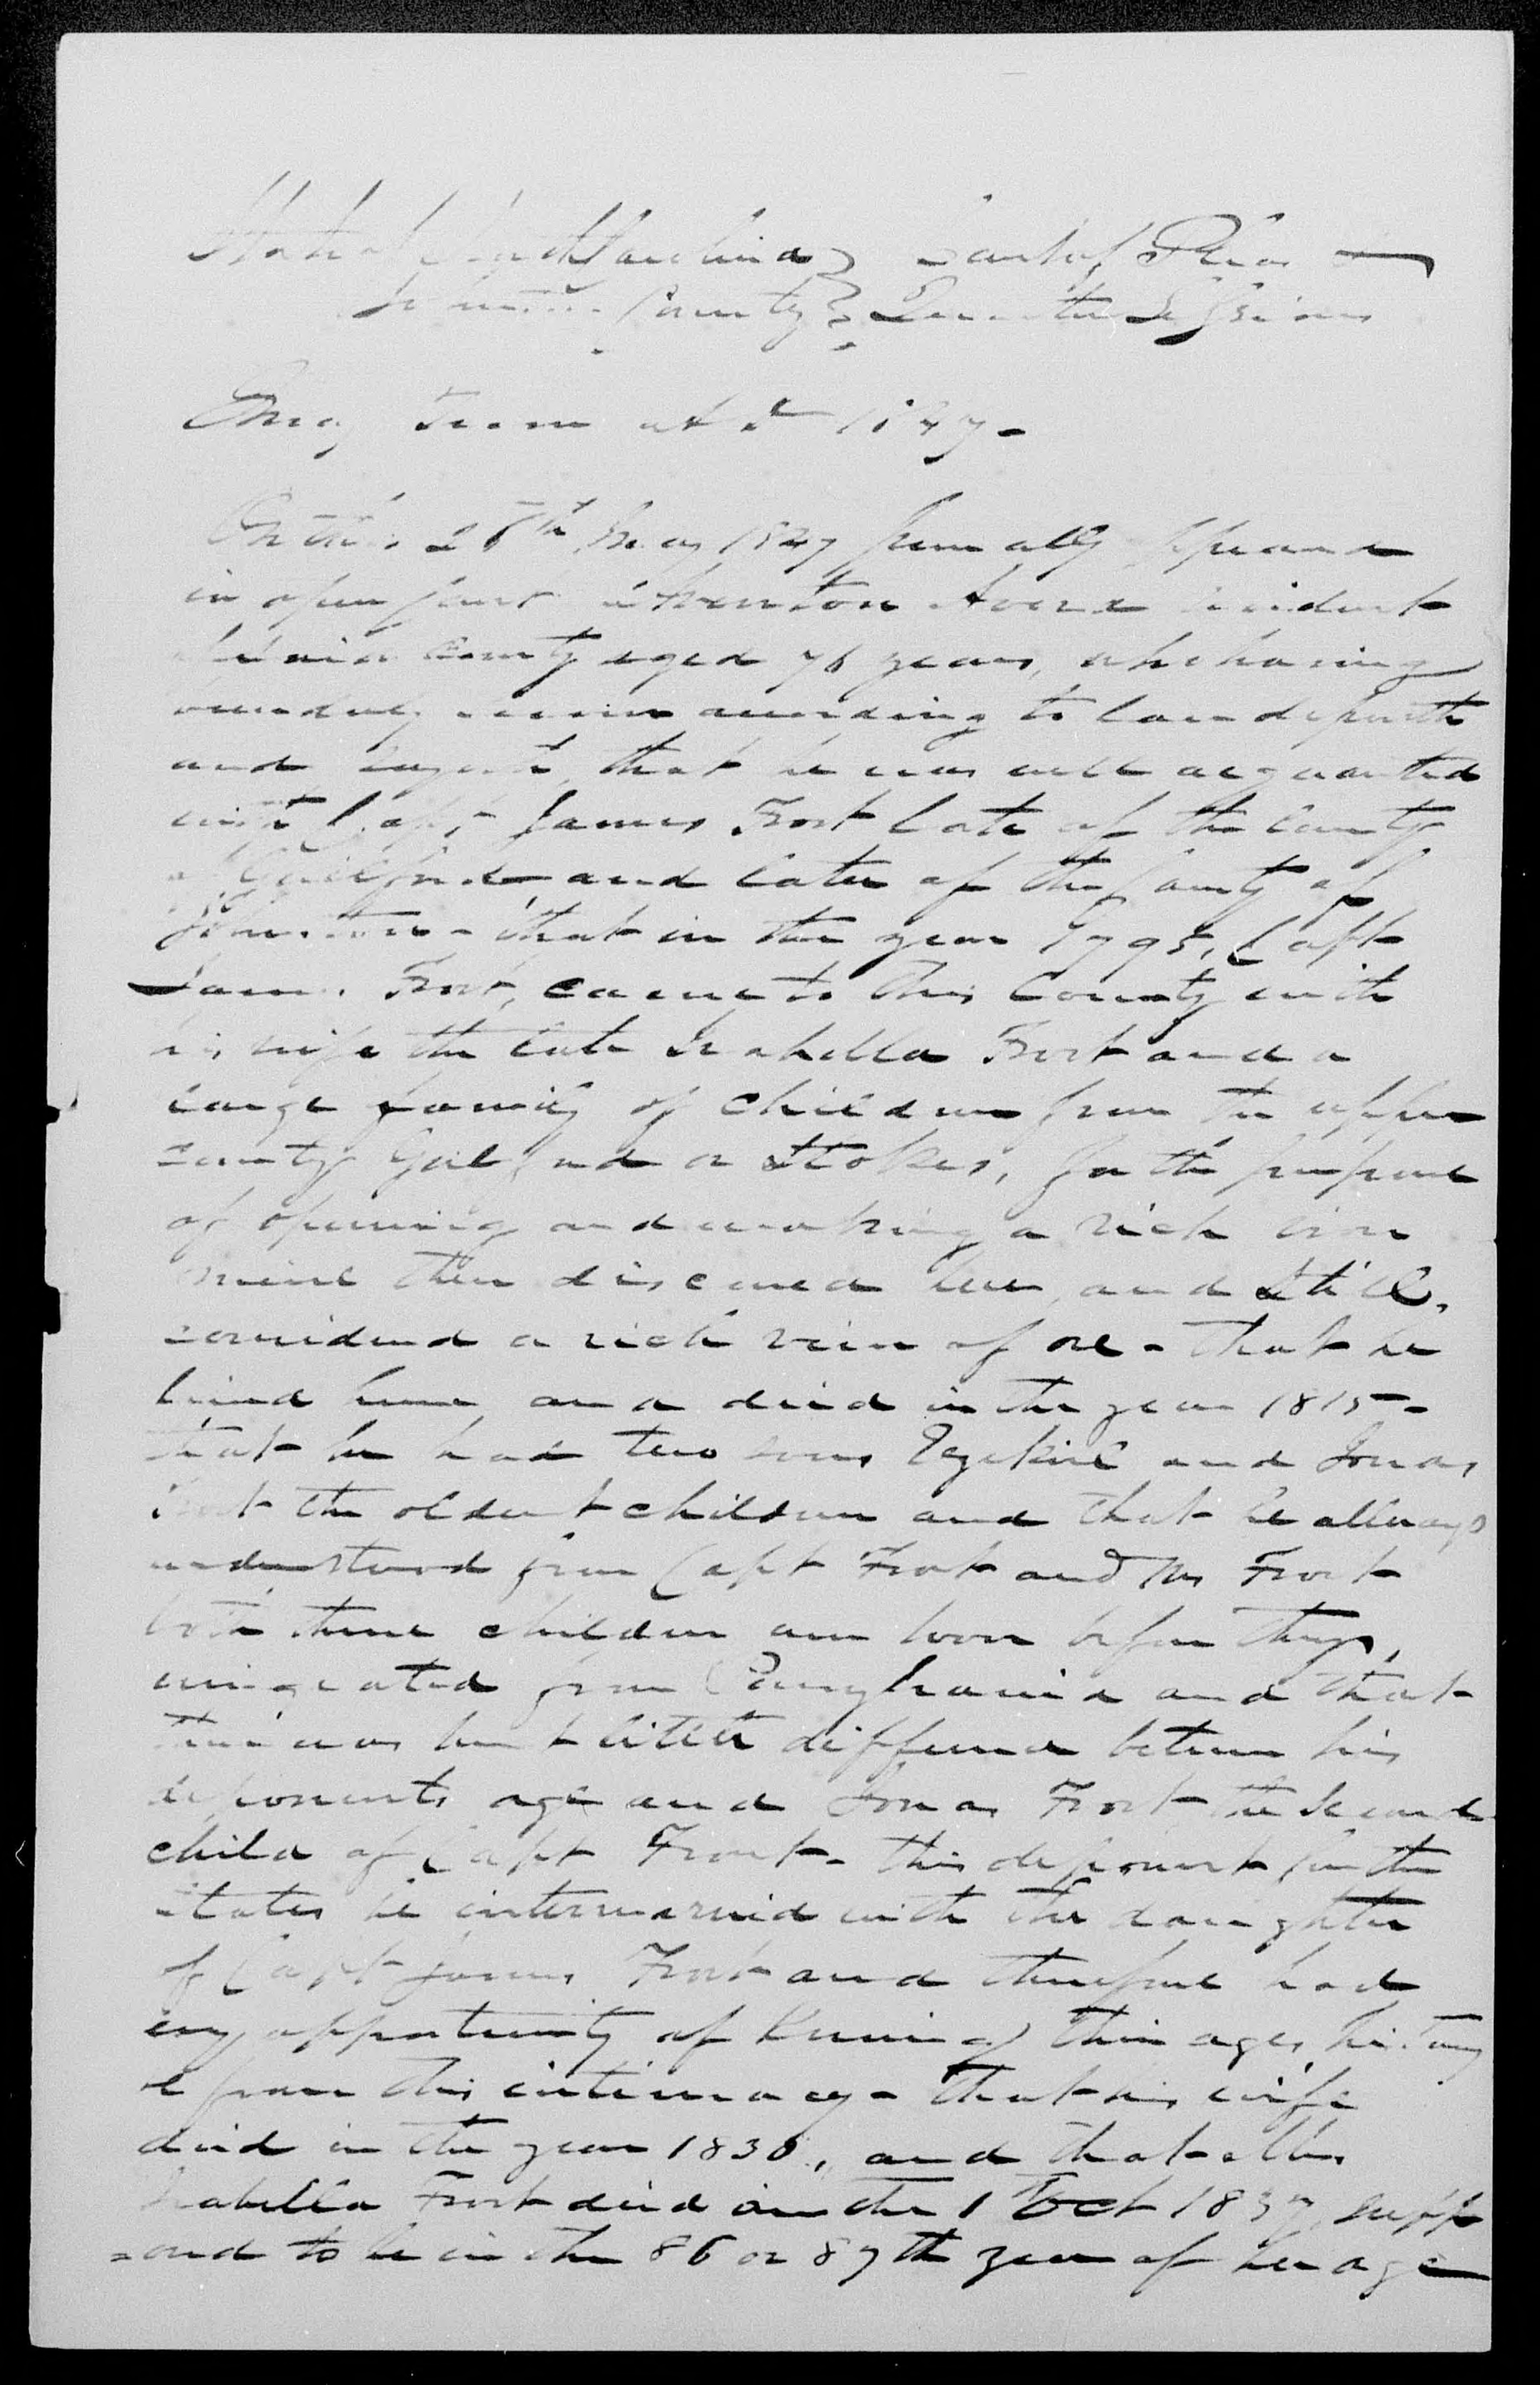State of North Carolina}
Court of Pleas and Quarter Sessions}
Johnston County}
[unreadable] 1847-
On this 27th day 1847 personally appeared in open Court Atherton Avera resident of said county aged 76 years, who having been duly sworn according to law deposeth and sayeth that he was well acquainted with Captain James Frost late of the County of Guilford and later of the County of Johnston that in the year 1795, Captain James Frost removed to this County with his wife the late Isabella Frost and a large family of children from the upper County Guilford or Stokes, for the purpose of opening and working a rich iron mine thus discovered here and still [unreadable] a rich vein of ore – that he lived here and died in the year 1815 – that he had two sons, Ezekiel and Jonas Frost the two oldest children and that he always understood from Captain Frost and Mrs Frost both those children are from before they immigrated from Pennsylvania and that there was little difference between his deponents age and Jonas Frost – the second child of Captain Frost – this deponent further states he intermarried with the daughter of Captain James Frost and therefore had any opportunity of knowing their ages [unreadable] from this intimacy – that his wife died in the year 1830, and that Mrs. Isabella Frost died about 1 October 1837, supposed to be in the 86 or 87 the year of her age.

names: Jonas Frost, James Frost, Jonas Frost, James Frost, Frost, Isabella Frost, Isabella Frost, James Frost, Ezekiel Frost, Frost, Arinton Avera, Frost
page: 5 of 15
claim: rejected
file: R. 3815, James Frost, N.C.